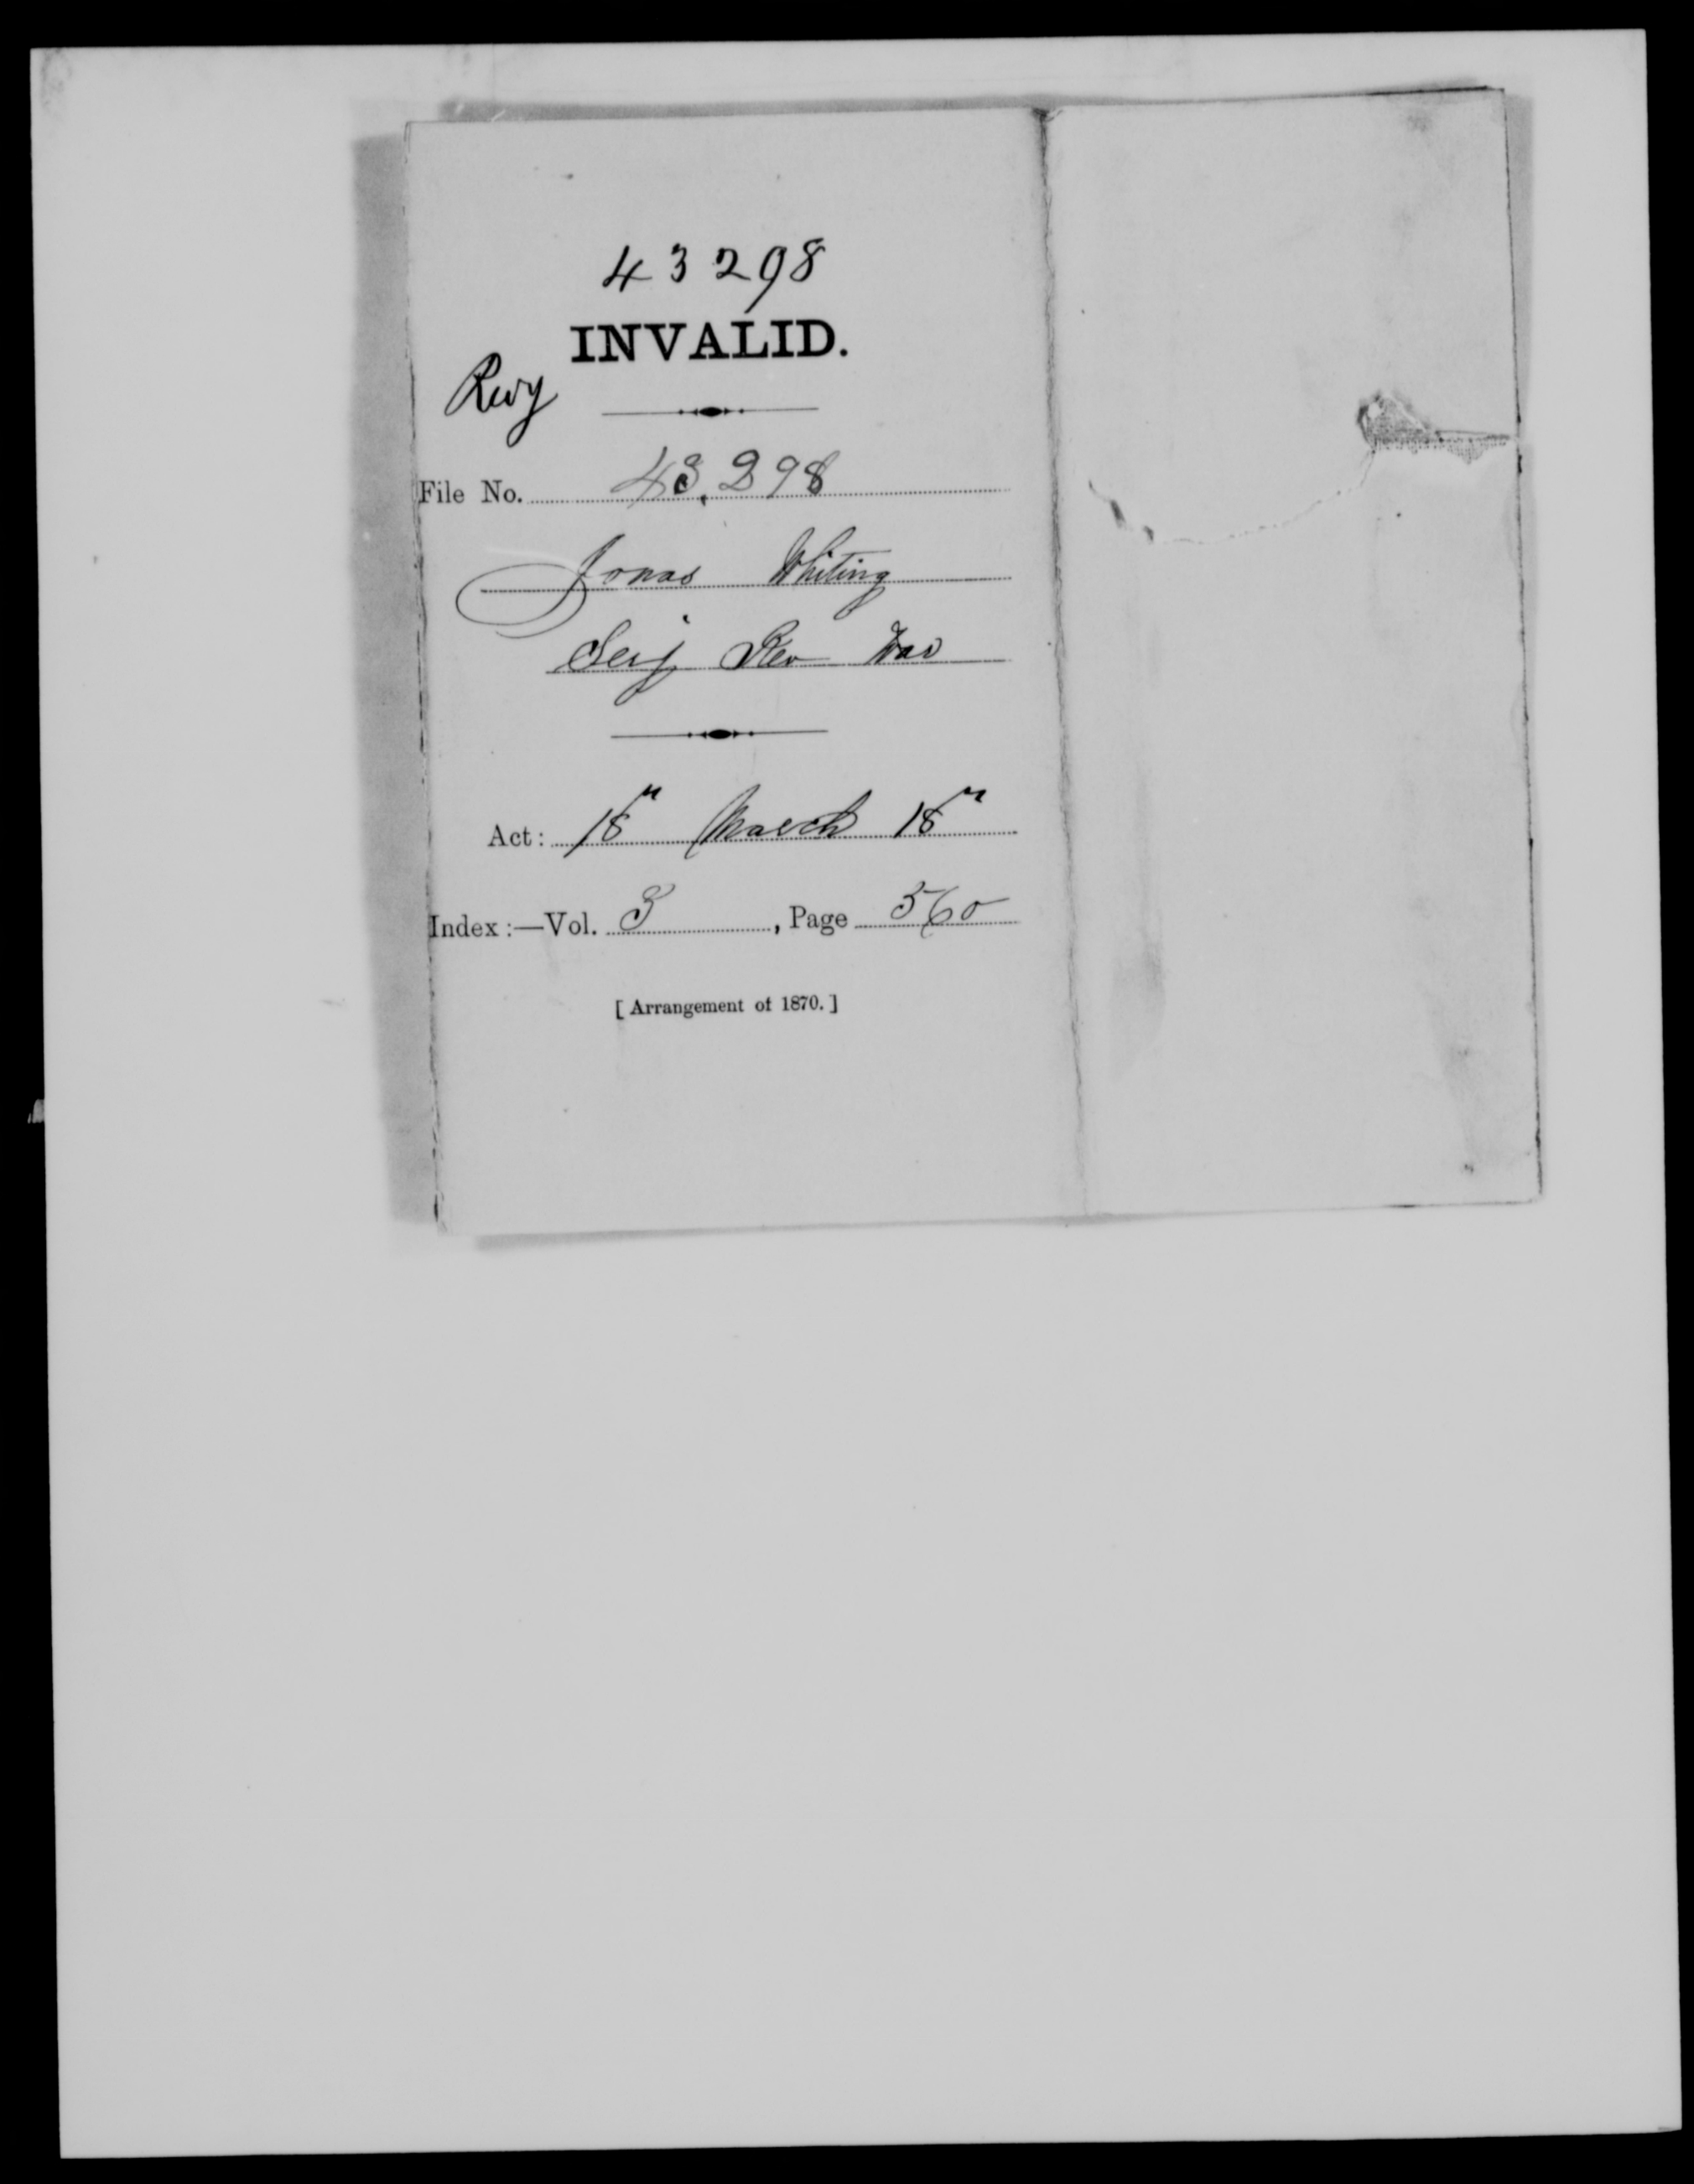43298
INVALID.
Revy
---
File No. 43.296
Jonas Whiting
Serg Rev War
---
Act: 18 March 18
Index:- Vol. 3 Page 560
Arrangement of 1870.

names: Jonas Whiting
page: 14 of 22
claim: survivor's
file: S. 43298, Jonas Whiting, Mass.